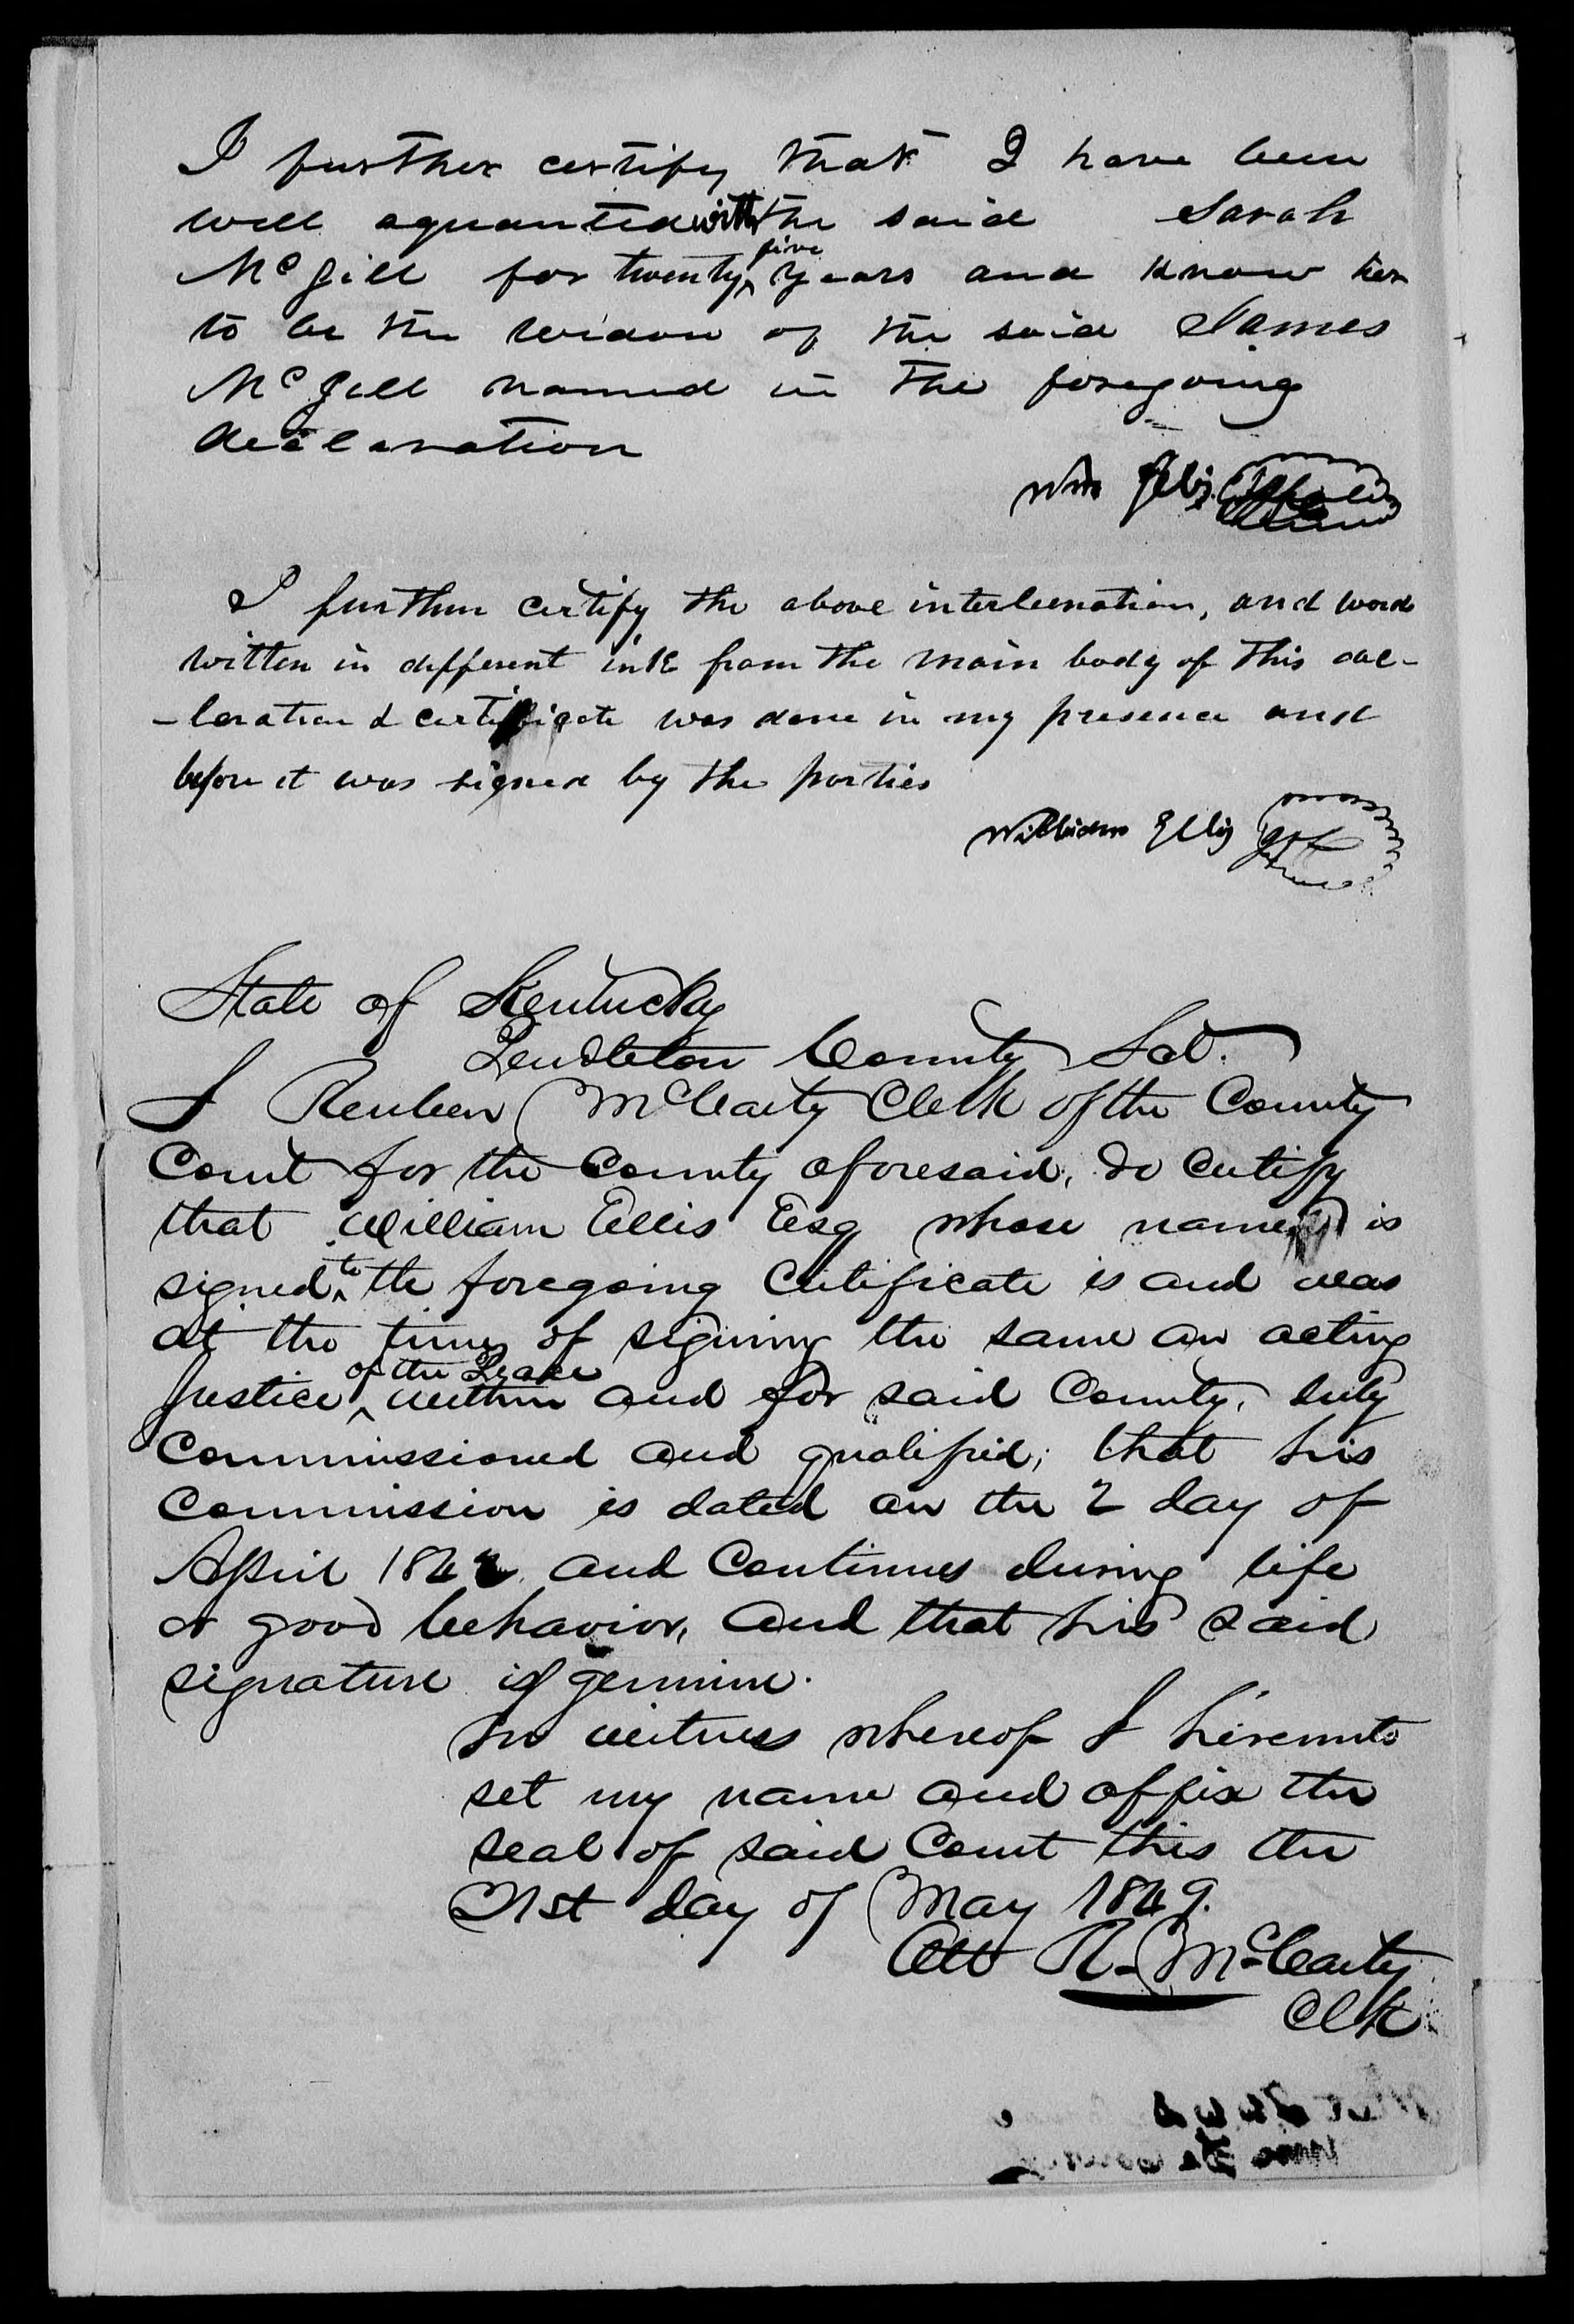Image 106		4160873_00106               Fold3 File #23857272

I further certify that I have been well acquainted with the said Sarah McGill for twenty five years and know her to be the widow of the said James McGill named in the foregoing declaration.   Wm Ellis   [Seal]

I further certify the above interlienation [interlineation], and word written in different ink from the main body of this declaration & certificate was done in my presence and before it was signed by the parties.  
William Ellis  GPPC [Seal]

State of Kentucky Pendleton County Sct  I Reuben McCarty clerk of the county court for the county aforesaid, do certify that William Ellis Esq whose name is signed to the foregoing certificate is and was at the time of signing the same an acting Justice of the Peace within and for said county, duly commissioned and qualified; that his commission is dated on the 2 day of april 1847 and continues during life and good behavior, and that his said signature is genuine. In witness whereof I hereunto set my name and office the seal of said court this 21st day of May 1849.     Att R. McCarty clk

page: 48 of 71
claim: widow's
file: W. 8428, for James Mc Gill, Pennsylvania